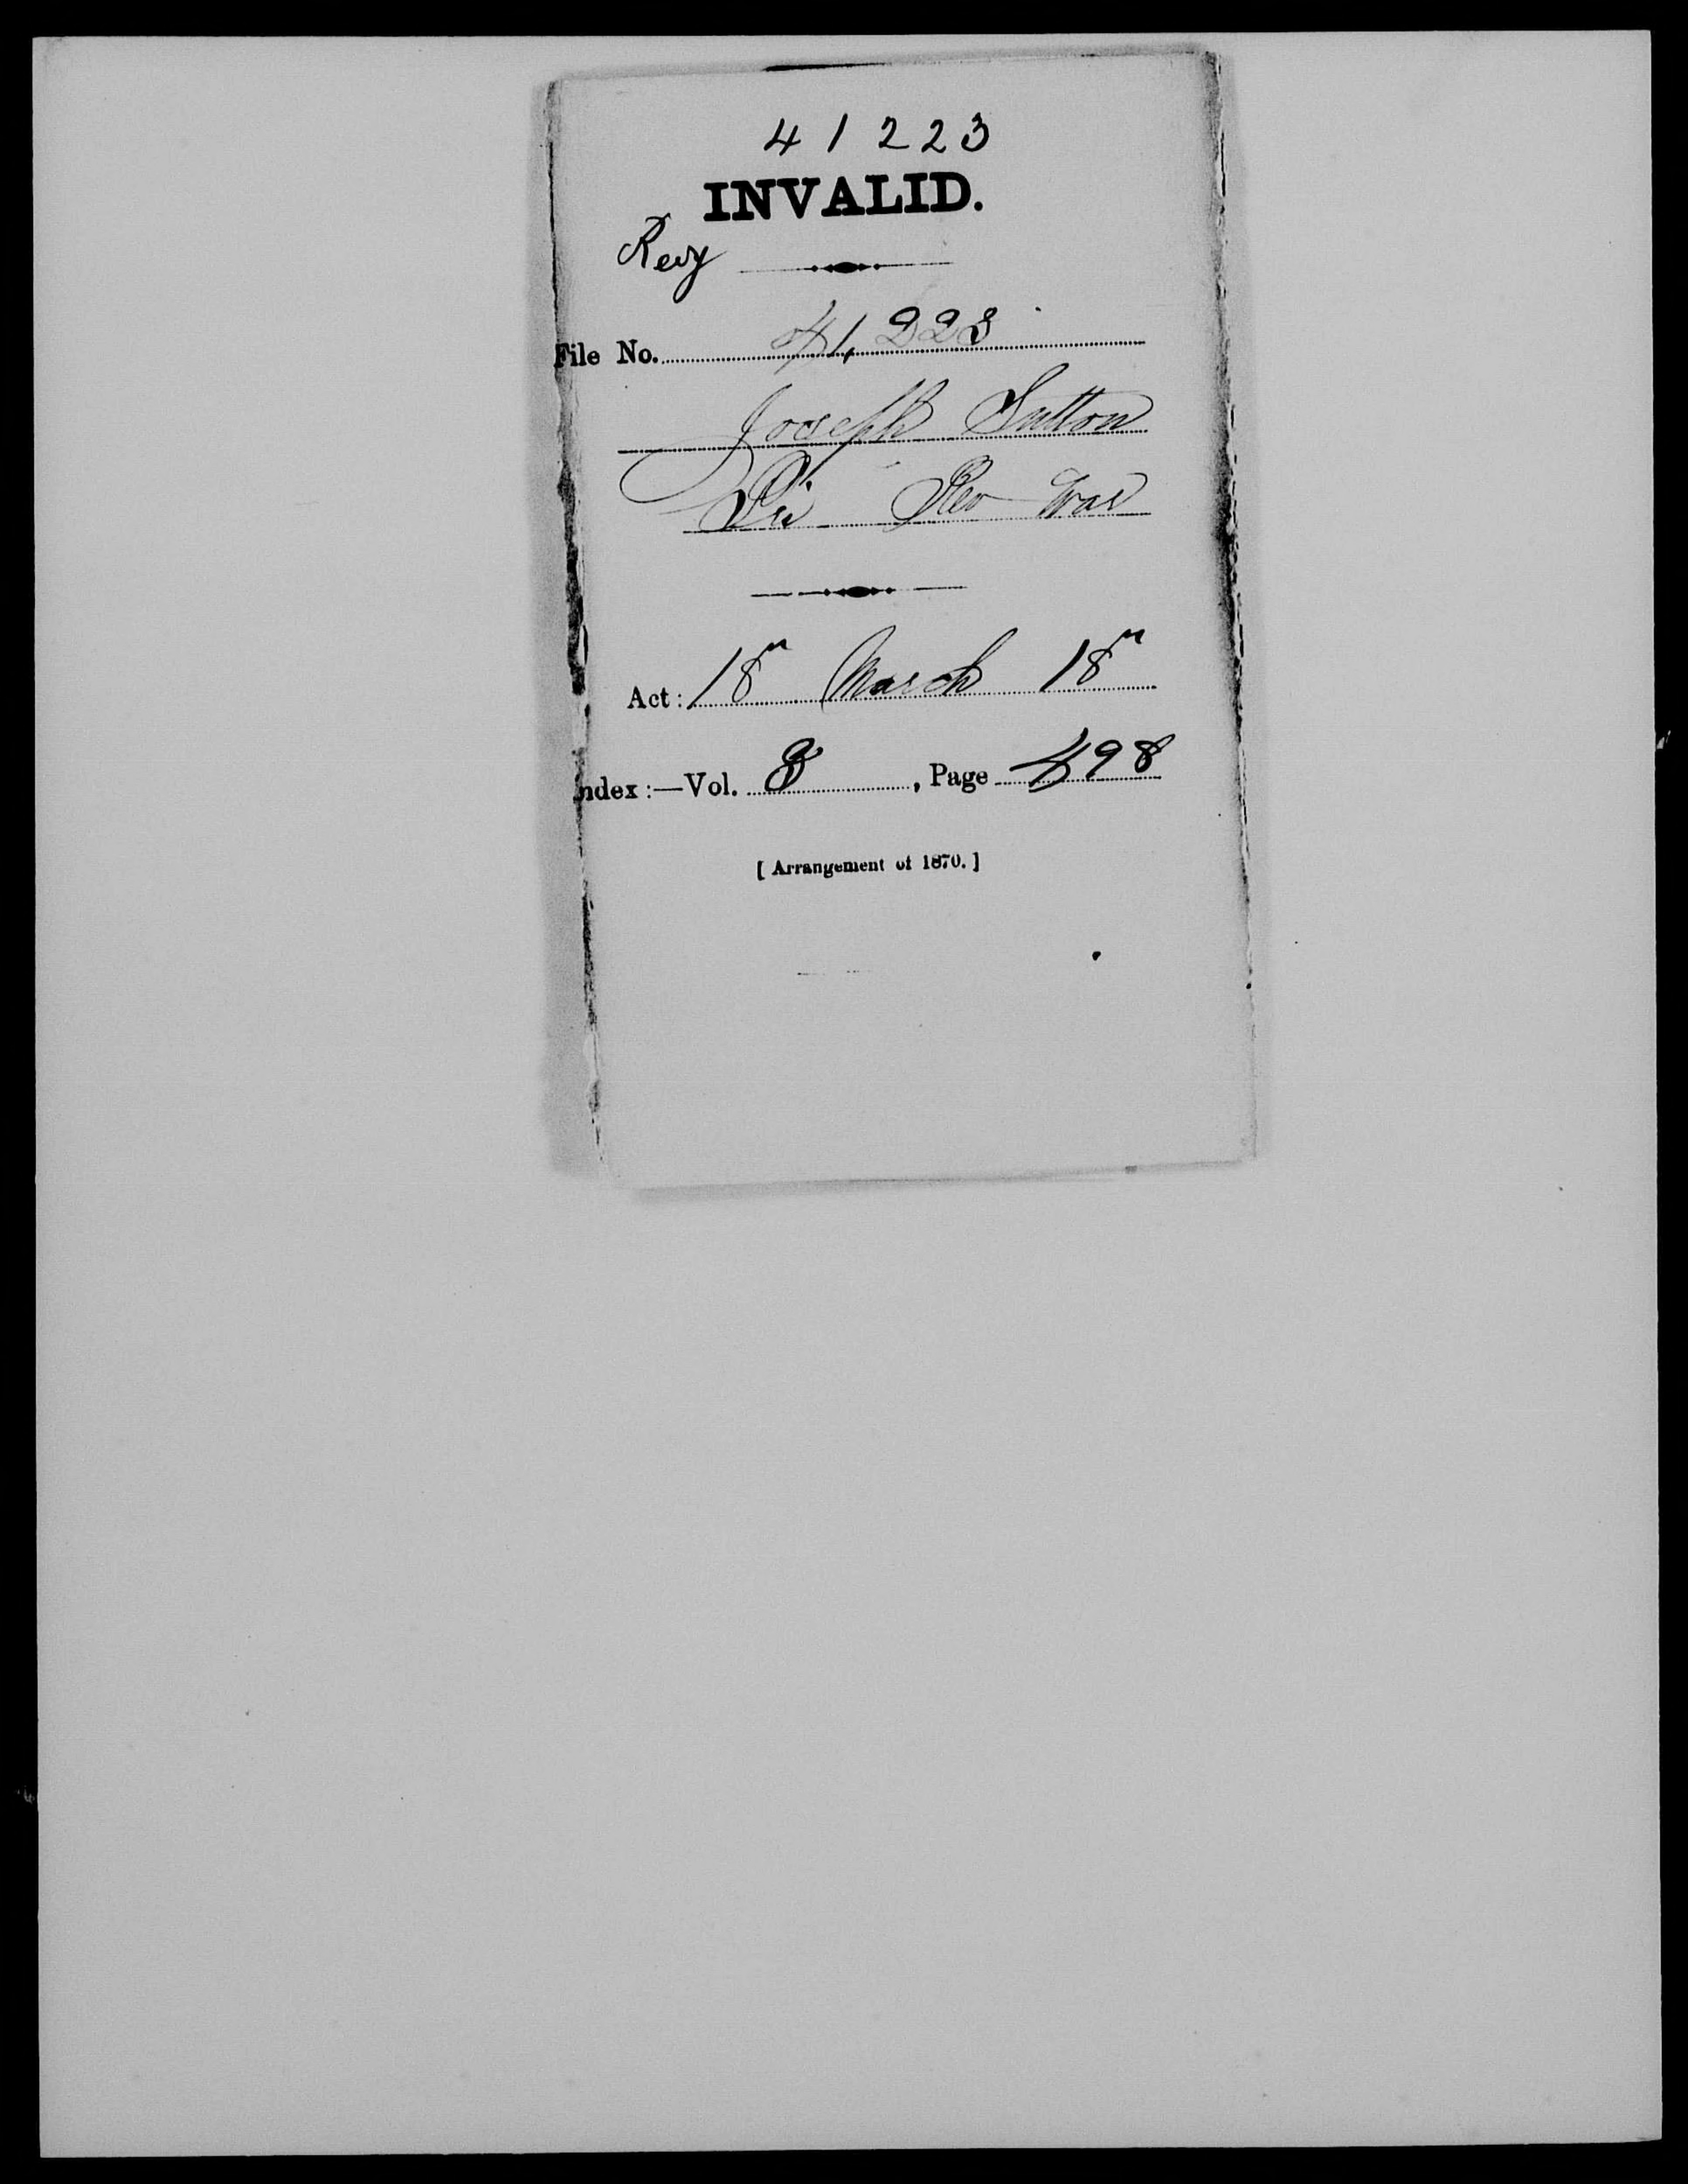41223
INVALID
Revolutionary
File No. 41223
Joseph Sutton
Private Revolutionary War
Act 18 March 1818
Index:-Vol. F, Page 498
[Arrangement of 1870]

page: 14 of 21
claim: survivor's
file: S. 41223, for Joseph Sutton, Virginia